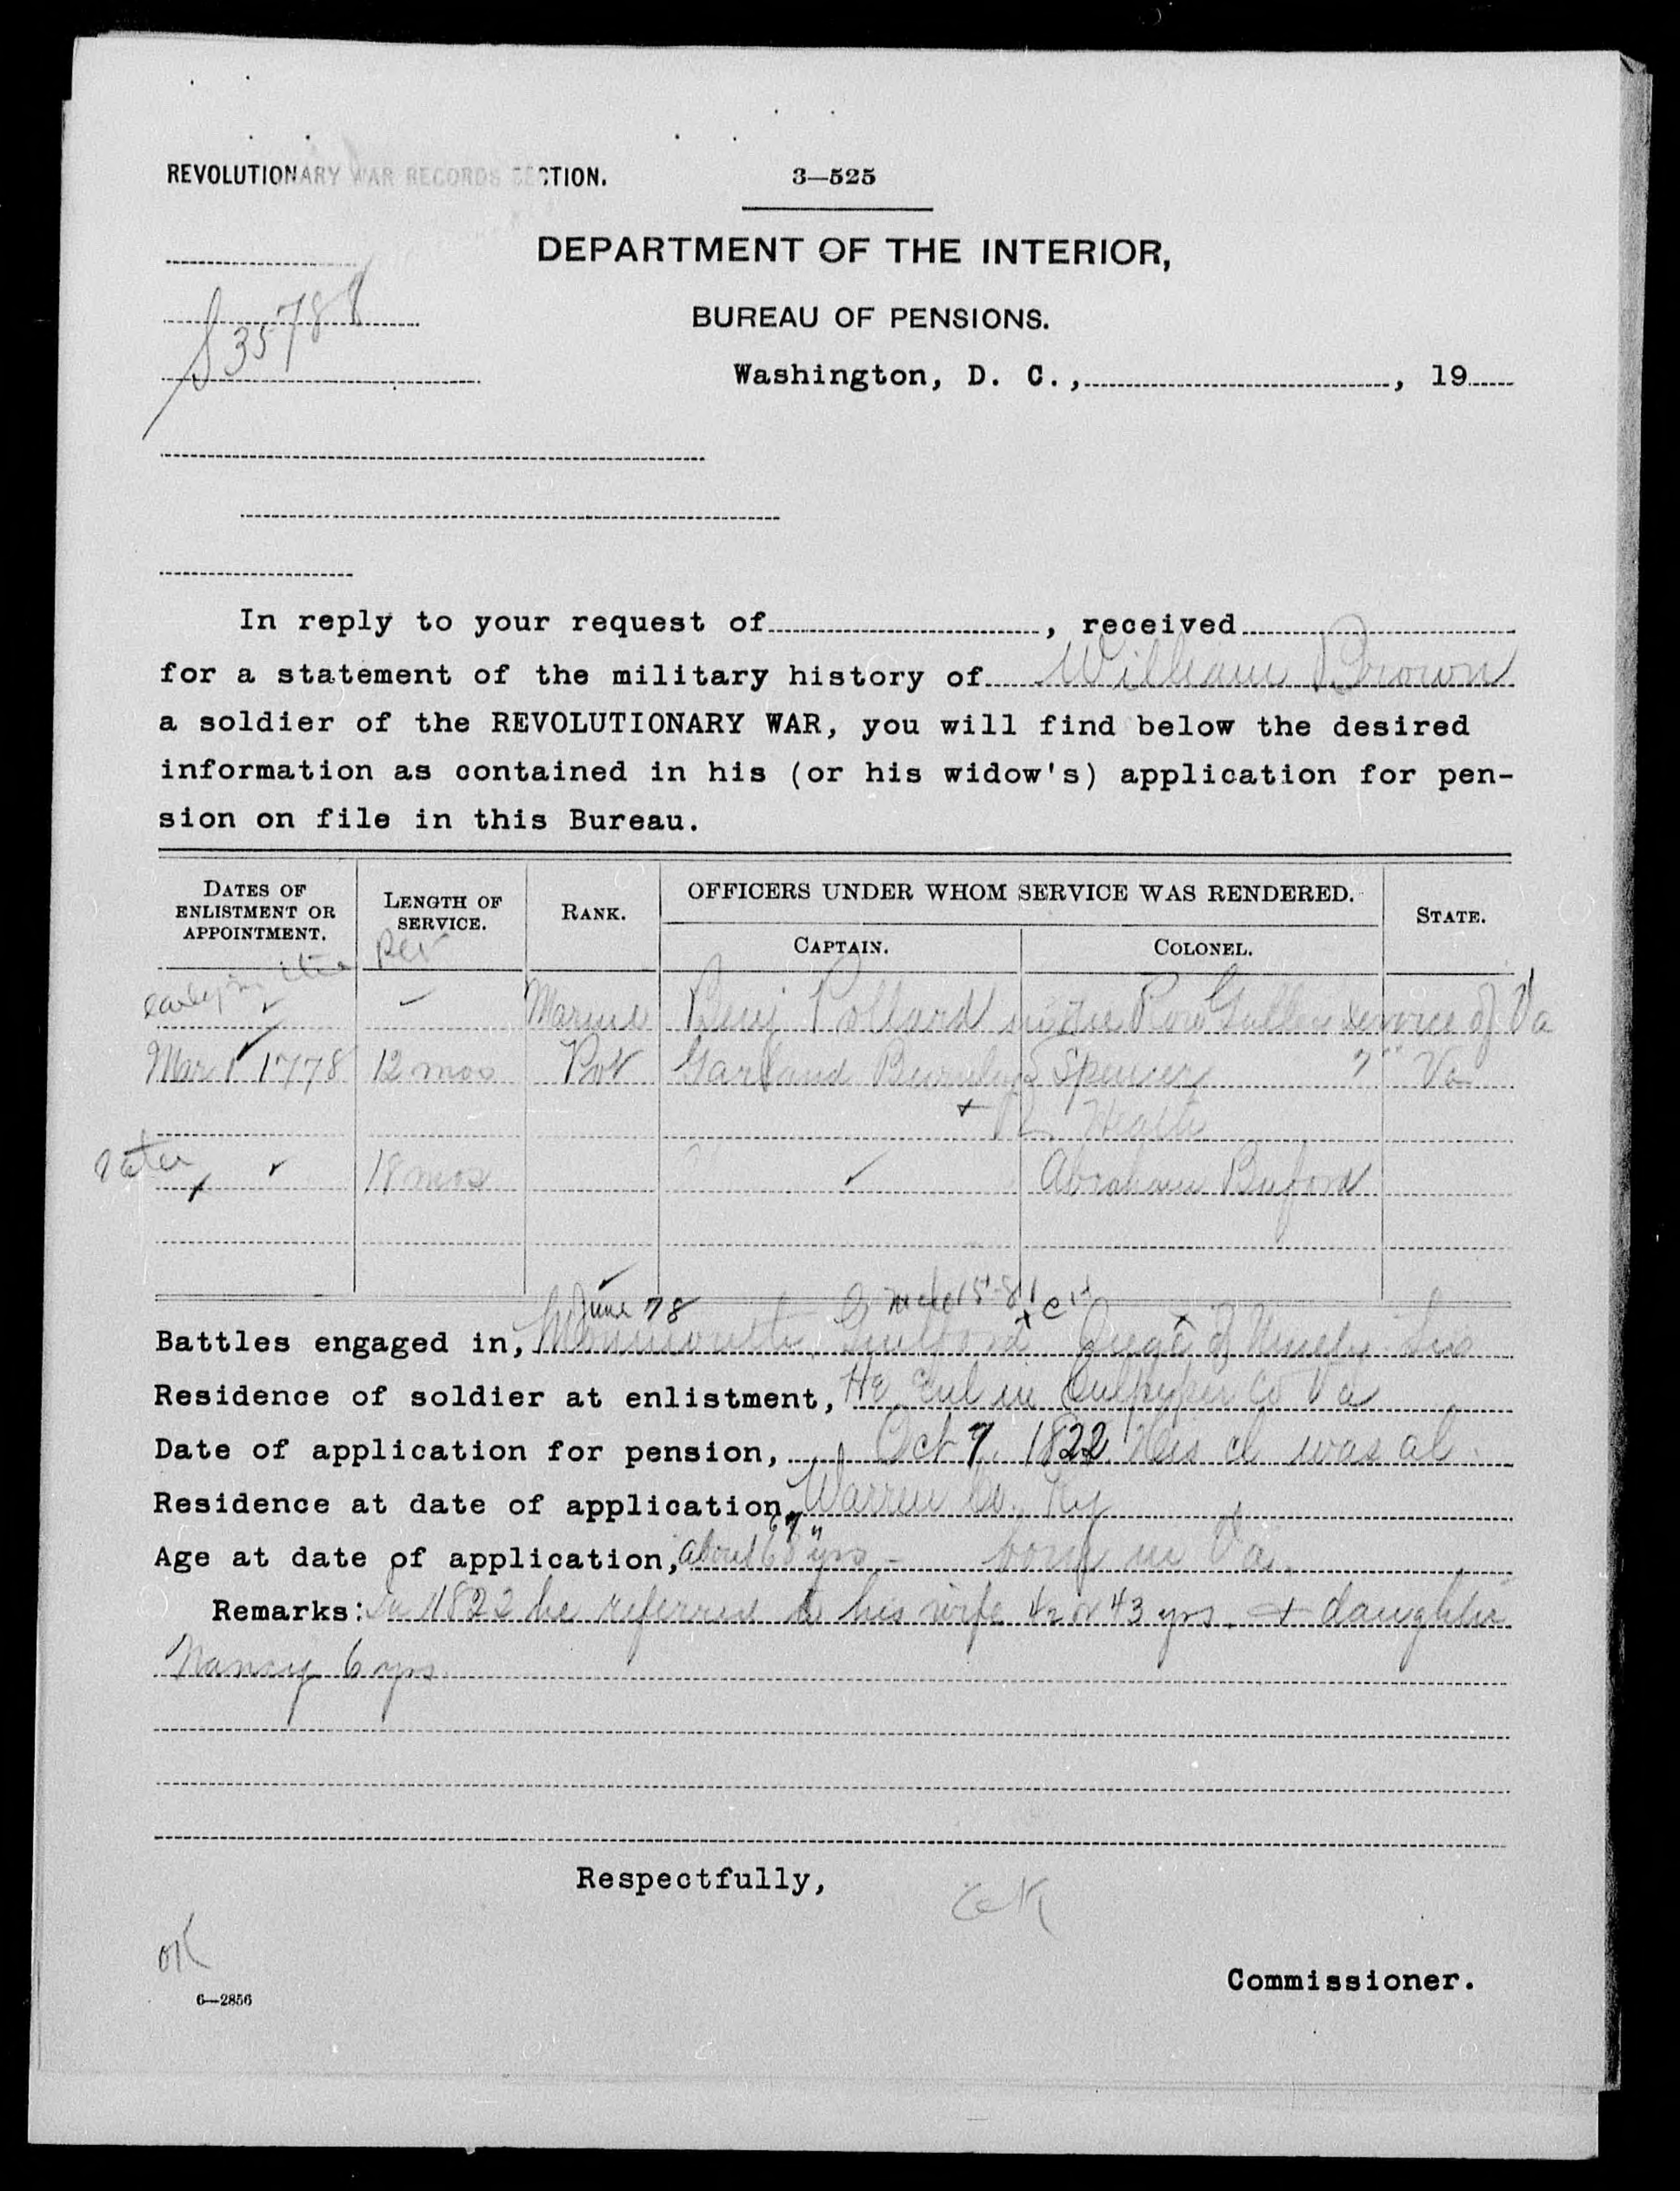REVOLUTIONARY WAR RECORDS SECTION          3-525[underlined]
                                                                         DEPARTMENT OF THE INTERIOR,
                                                                                  BUREAU OF PENSIONS
                                                                                    Washington, D.C.,.................., 19.....

In reply to your request of .........................., received .......................
for a statement of the military history of [handwritten on dotted line] William Brown
a soldier of the REVOLUTIONARY WAR, you will find below the desired
information as contained in his (or his widow's) application for pen-
sion on file in this Bureau.

Dates of                                Length of               
Enlistment or                          Service        Rank 
Appointment                                       

[illegible, handwritten]      |  Rev
Mar 1 1778                          | 12 mon.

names: William Brown, Nancy, Spencer, Benj Pollard, Abraham Buford, Heath, Garland Beverley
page: 15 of 21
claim: survivor's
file: S. 35,788, William Brown, Va.